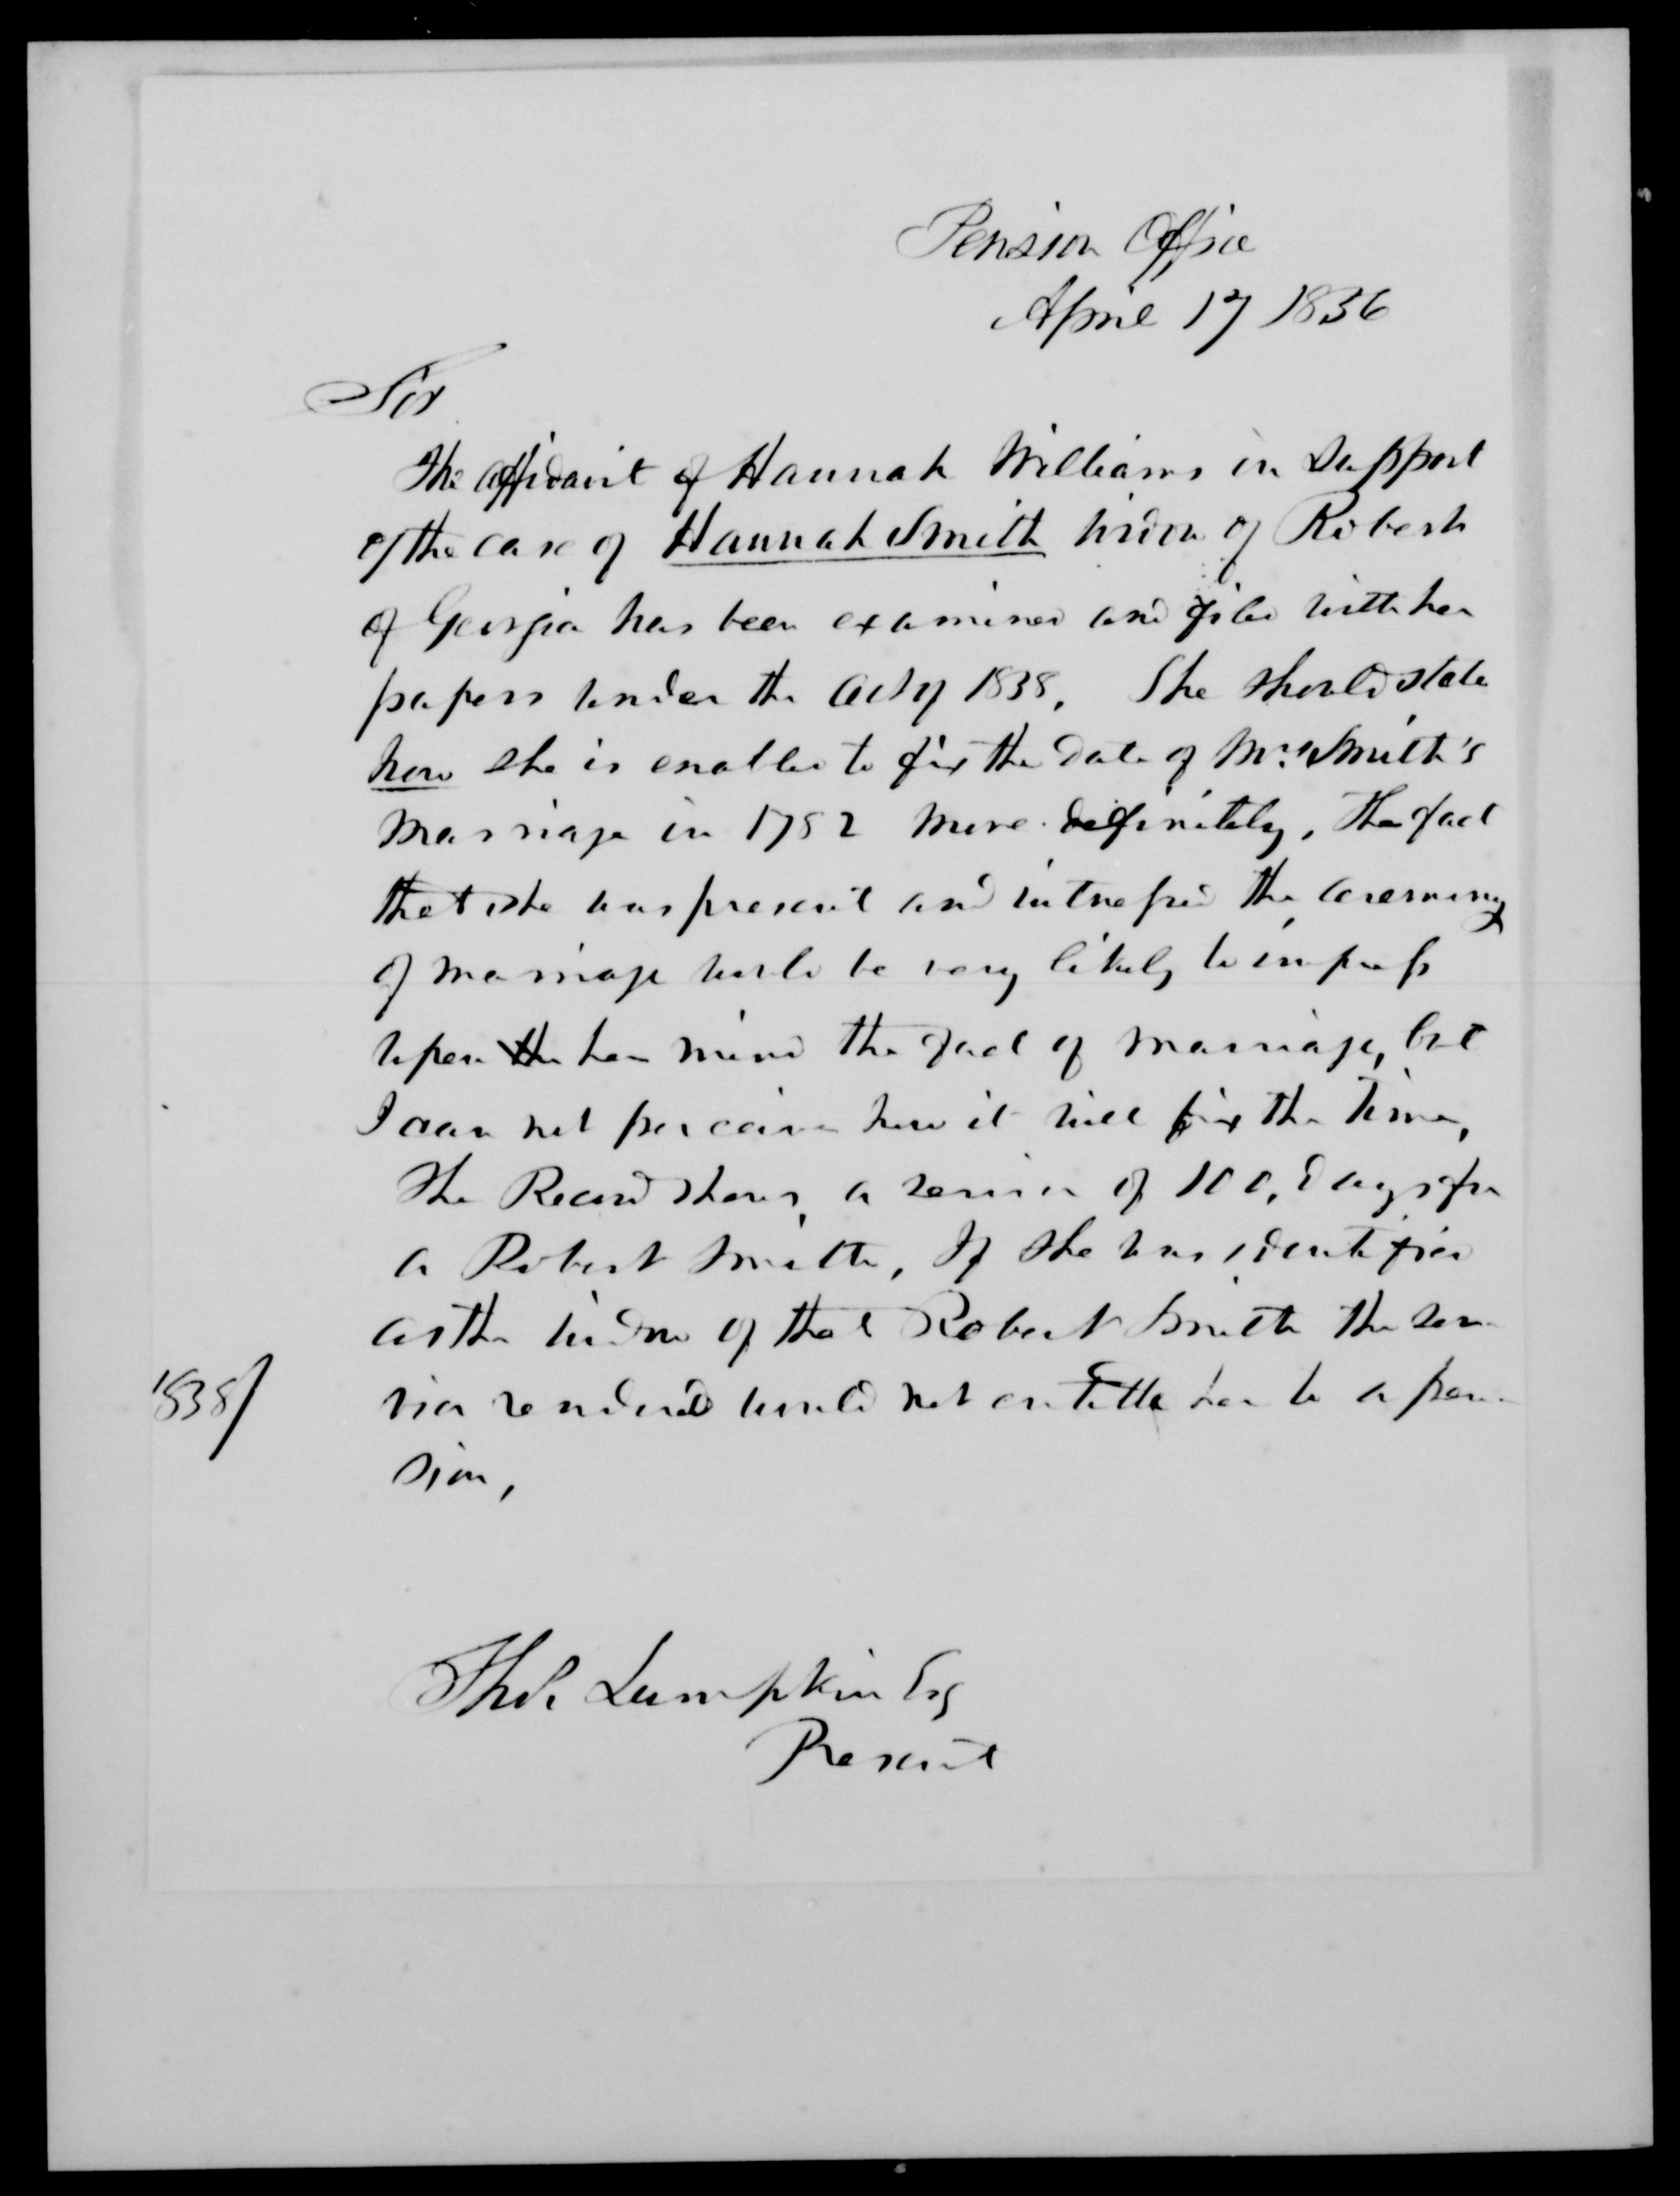Pension Office
April 17 1836

Sir:

The affidavit of Hannah Williams in support of the case of Hannah Smith widow of Robert of Georgia has been examined and filed with her papers under the act of 1838. She should state how she is enabled to fix the date of Mr Smith's Marriage in 1782 more definitely. The fact that she was present and witnessed the ceremony of marriage to be very likely impressed upon the her mind the fact of Marriage, but I can not perceive how it will fix the time.  The Record shows a service of 100 days for a Robert Smith. If she has identified another widow of that Robert Smith, the service rendered would not entitle her to a pension.


Th Lumpkin, Esq
Present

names: Thos Lumpkin; [BLANK] Smith; Hannah Williams; Robert Smith; Hannah Smith; Robert Smith; Robert Smith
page: 9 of 28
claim: rejected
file: R. 9744, for Robert Smith, South Carolina